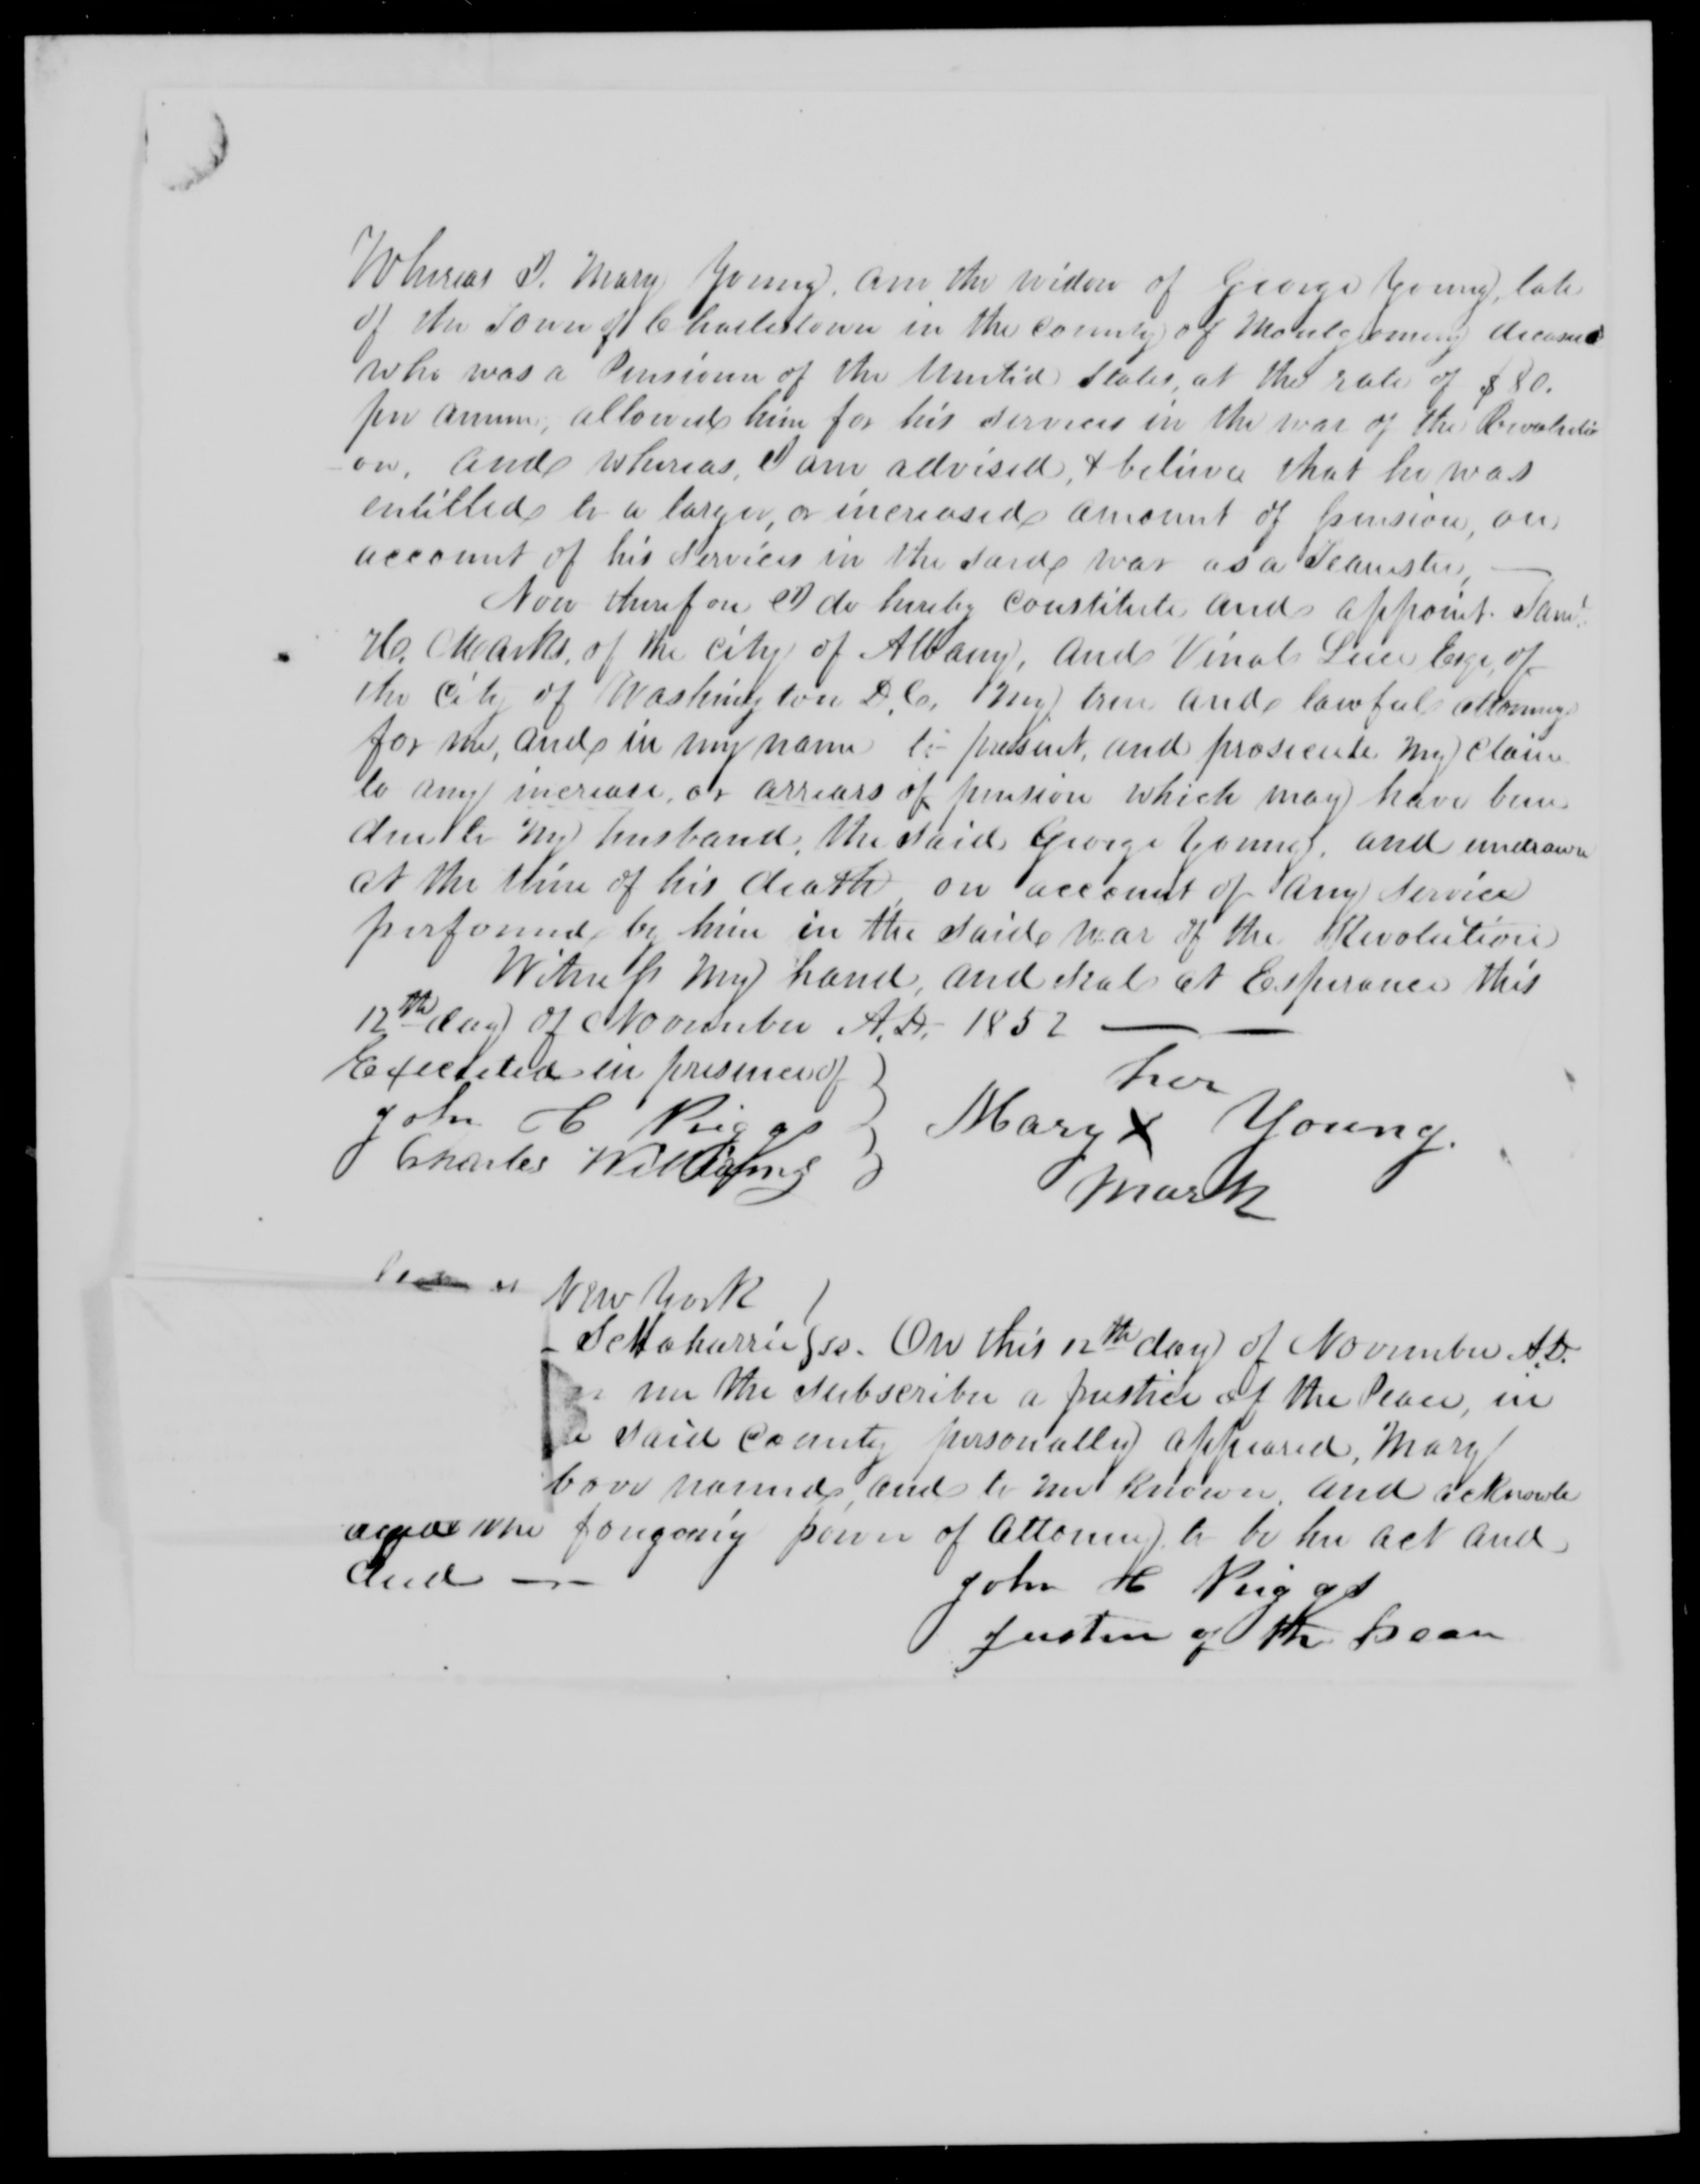Whereas I, Mary Young and the widow of George Young, late
of the Town of Charlestown in the County of Montgomery deceased
who was a Pensioner of the United States, at the rate of $80
per annum, allowed him for his services in the war of the Revolution
on, and whereas, I am advised & believe that he was
entitled to a larger, or increased amount of pension, on
account of his services in the said war as a Teamster
Now therefore I do hereby constitute and appoint Saml
H. Marks of the City of Albany, and Vinal Law Esqr of
the City of Washington D.C. my true and lawful attorneys
for me, and in my name to present, and prosecute my claim
to any increase, or arrears of pension which may have been
due to my husband, the said George Young, and undow
at the time of his death on account of any service
performed by him in the said war of the Revolution
Witness my hand and seal at Esperance this
12th day of November A.D. 1852-
Executed in presence of
John C
& Charles Willing
Mary Young
her 
Mark

New York
Schoharrie ⎬ ss. On this 12th day of November A.D.
┃ me the subscriber a Justice of the Peace, in
the said County personally appeared Mary
bove named, and to me known, and acknowle
the foregoing power of Attorney to be her act and
deed-
John H Riggs
Justice of the peace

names: Charles Willings, Vinal Luce, John C Riggs, Saml H Marks, Mary Young, George Young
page: 53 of 67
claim: widow's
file: W. 7379, George Young, New Jersey